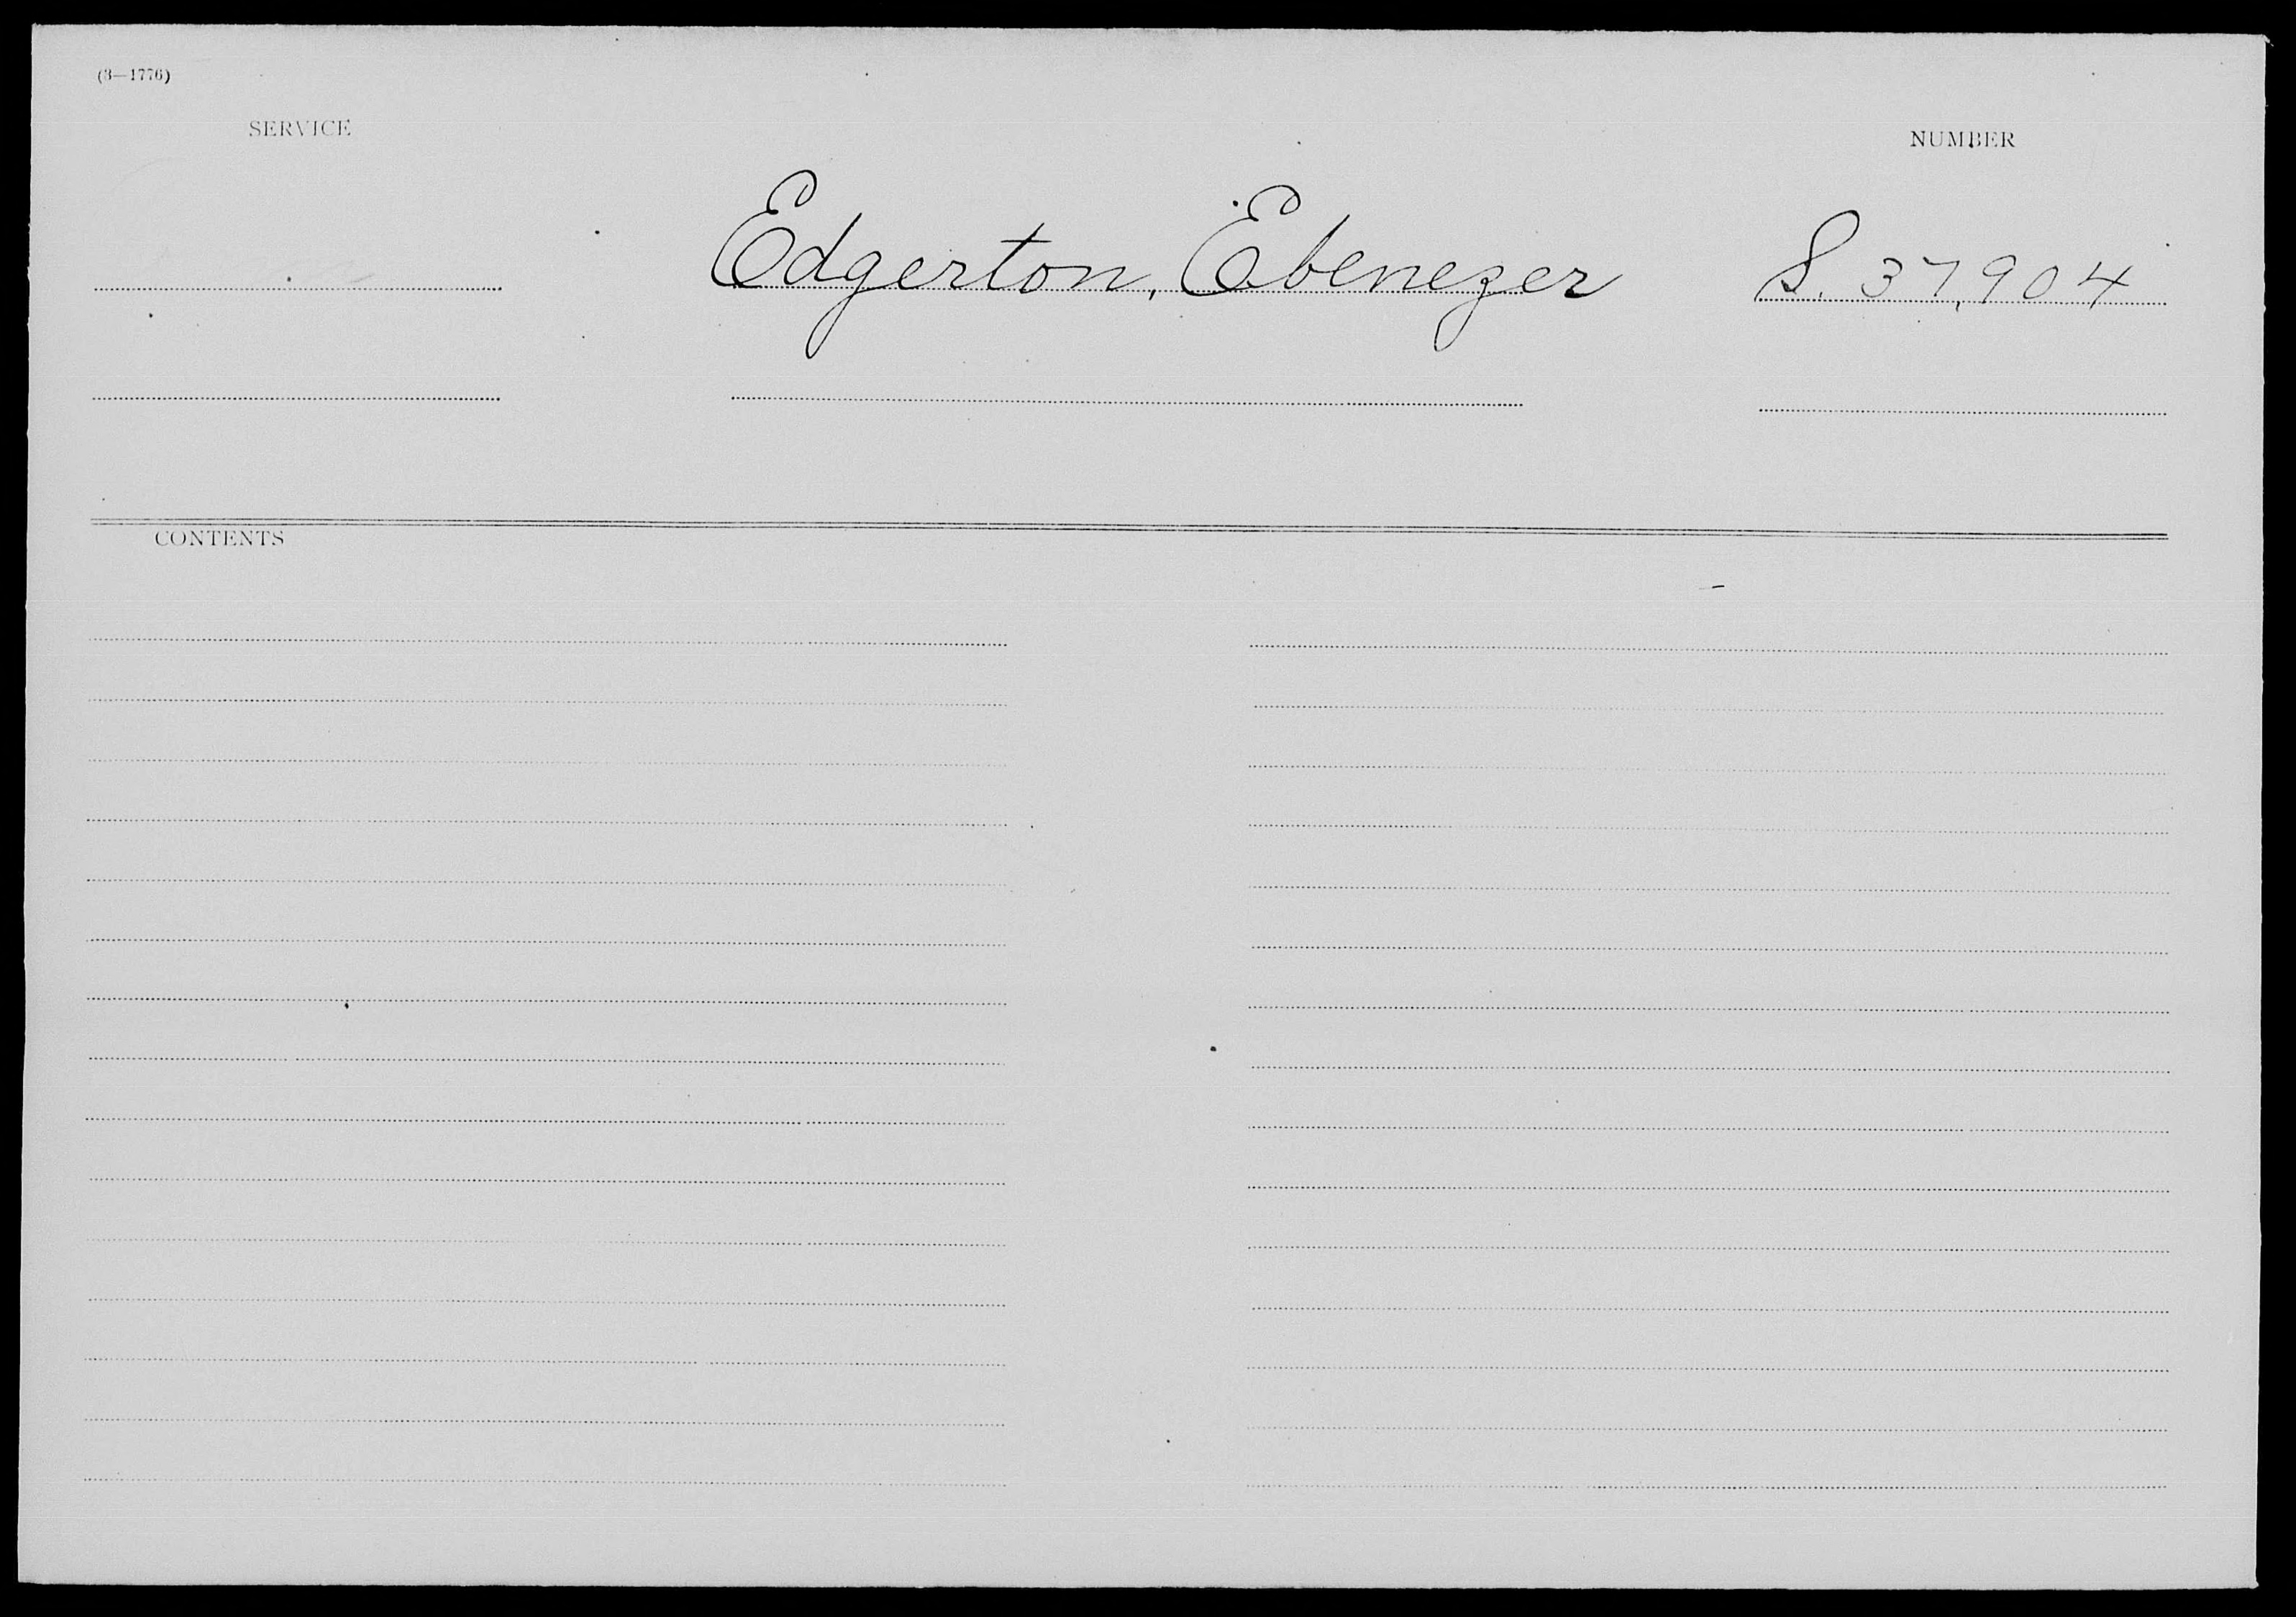(3-1776)
SERVICE

Edgerton, Ebenezer

NUMBER
S. 37,904

CONTENTS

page: 1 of 18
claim: survivor's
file: S. 37,904, Ebenezer Edgerton, [BLANK]